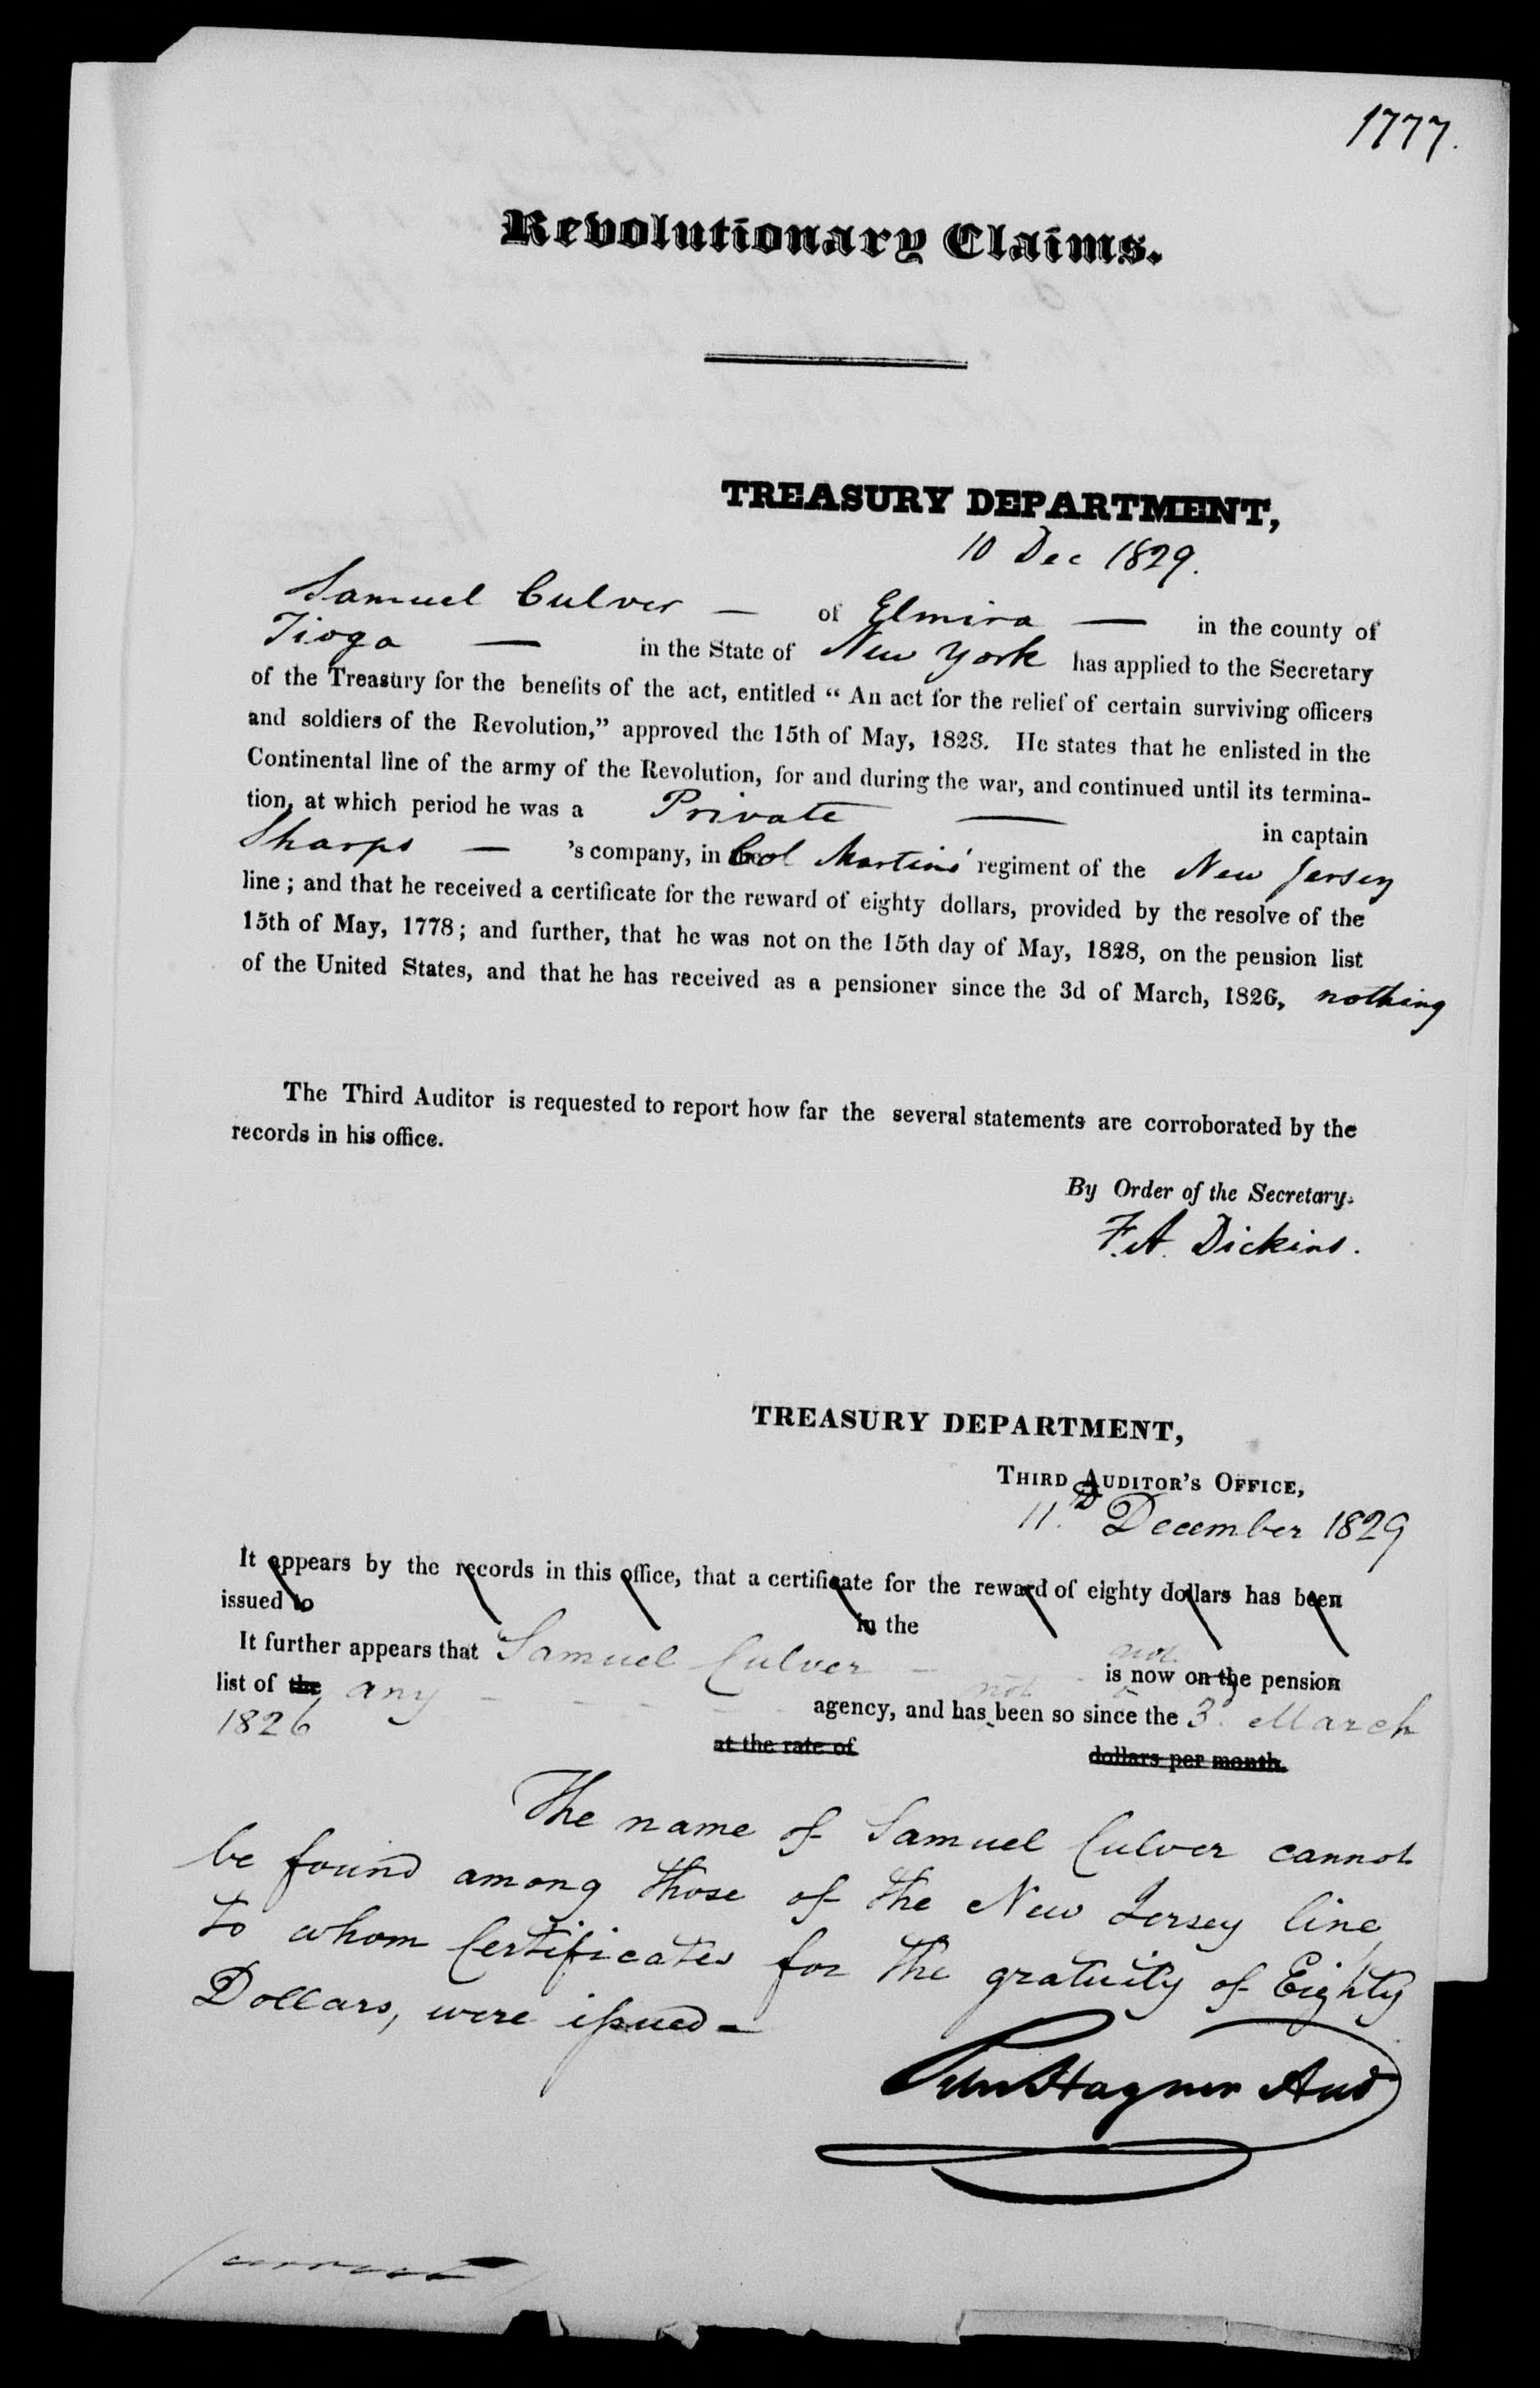1717


Revolutionary Claims

Treasury Department,
10 Dec 1829.

Samuel Culver – of Elmira – in the county of
Tioga – in the State of New York has applied to the Secretary 
of the Treasury for the benefits of the act, entitled “And act for the relief of certain surviving officers
and soldiers of the Revolution,” approved the 15th of May, 1828.  He states that he enlisted in the
Continental line of the army of the Revolution, for and during the war, and continued until it termination, at which period he was a Private – in captain
Sharps ‘s company inn Col Martins’ regiment of the new Jersey
line; and he received a certificate for the award of eighty dollars, provided by the resolve of the
15th of May, 1778; and further, that he was not on the 15th day of May, 1828, on the pension list
of the United States, and that he has received as a pensioner since the 3d of March 1826, nothing

The Third Auditor is requested to report how far the several statements are corroborated by the 
records in his office.

						By Order of the Secretary,
						F.A. Dickins [signature]

				Treasury Department,
				Third Auditor’s Office,
				11th December 1829

It appears by the records in this office, that a certificate for the reward of eighty dollars has been
issued to 

It further appears that Samuel Culver is not now on the pension
list of any agency, and has been so since the 3d. March 1826

at the rate of     dollars per month

The name of Samuel culver cannot 
be found among those of the New Jersey line
To whom certificates for the gratuity of Eighty
Dollars were issued – 
			Peter Hagner [signature] Aud

(correct?)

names: Samuel Culver, F A Dickins, Peter Hagner, Samuel Culver, Samuel Culver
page: 31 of 40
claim: rejected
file: R. 1,570, Samuel Culver, New Jersey